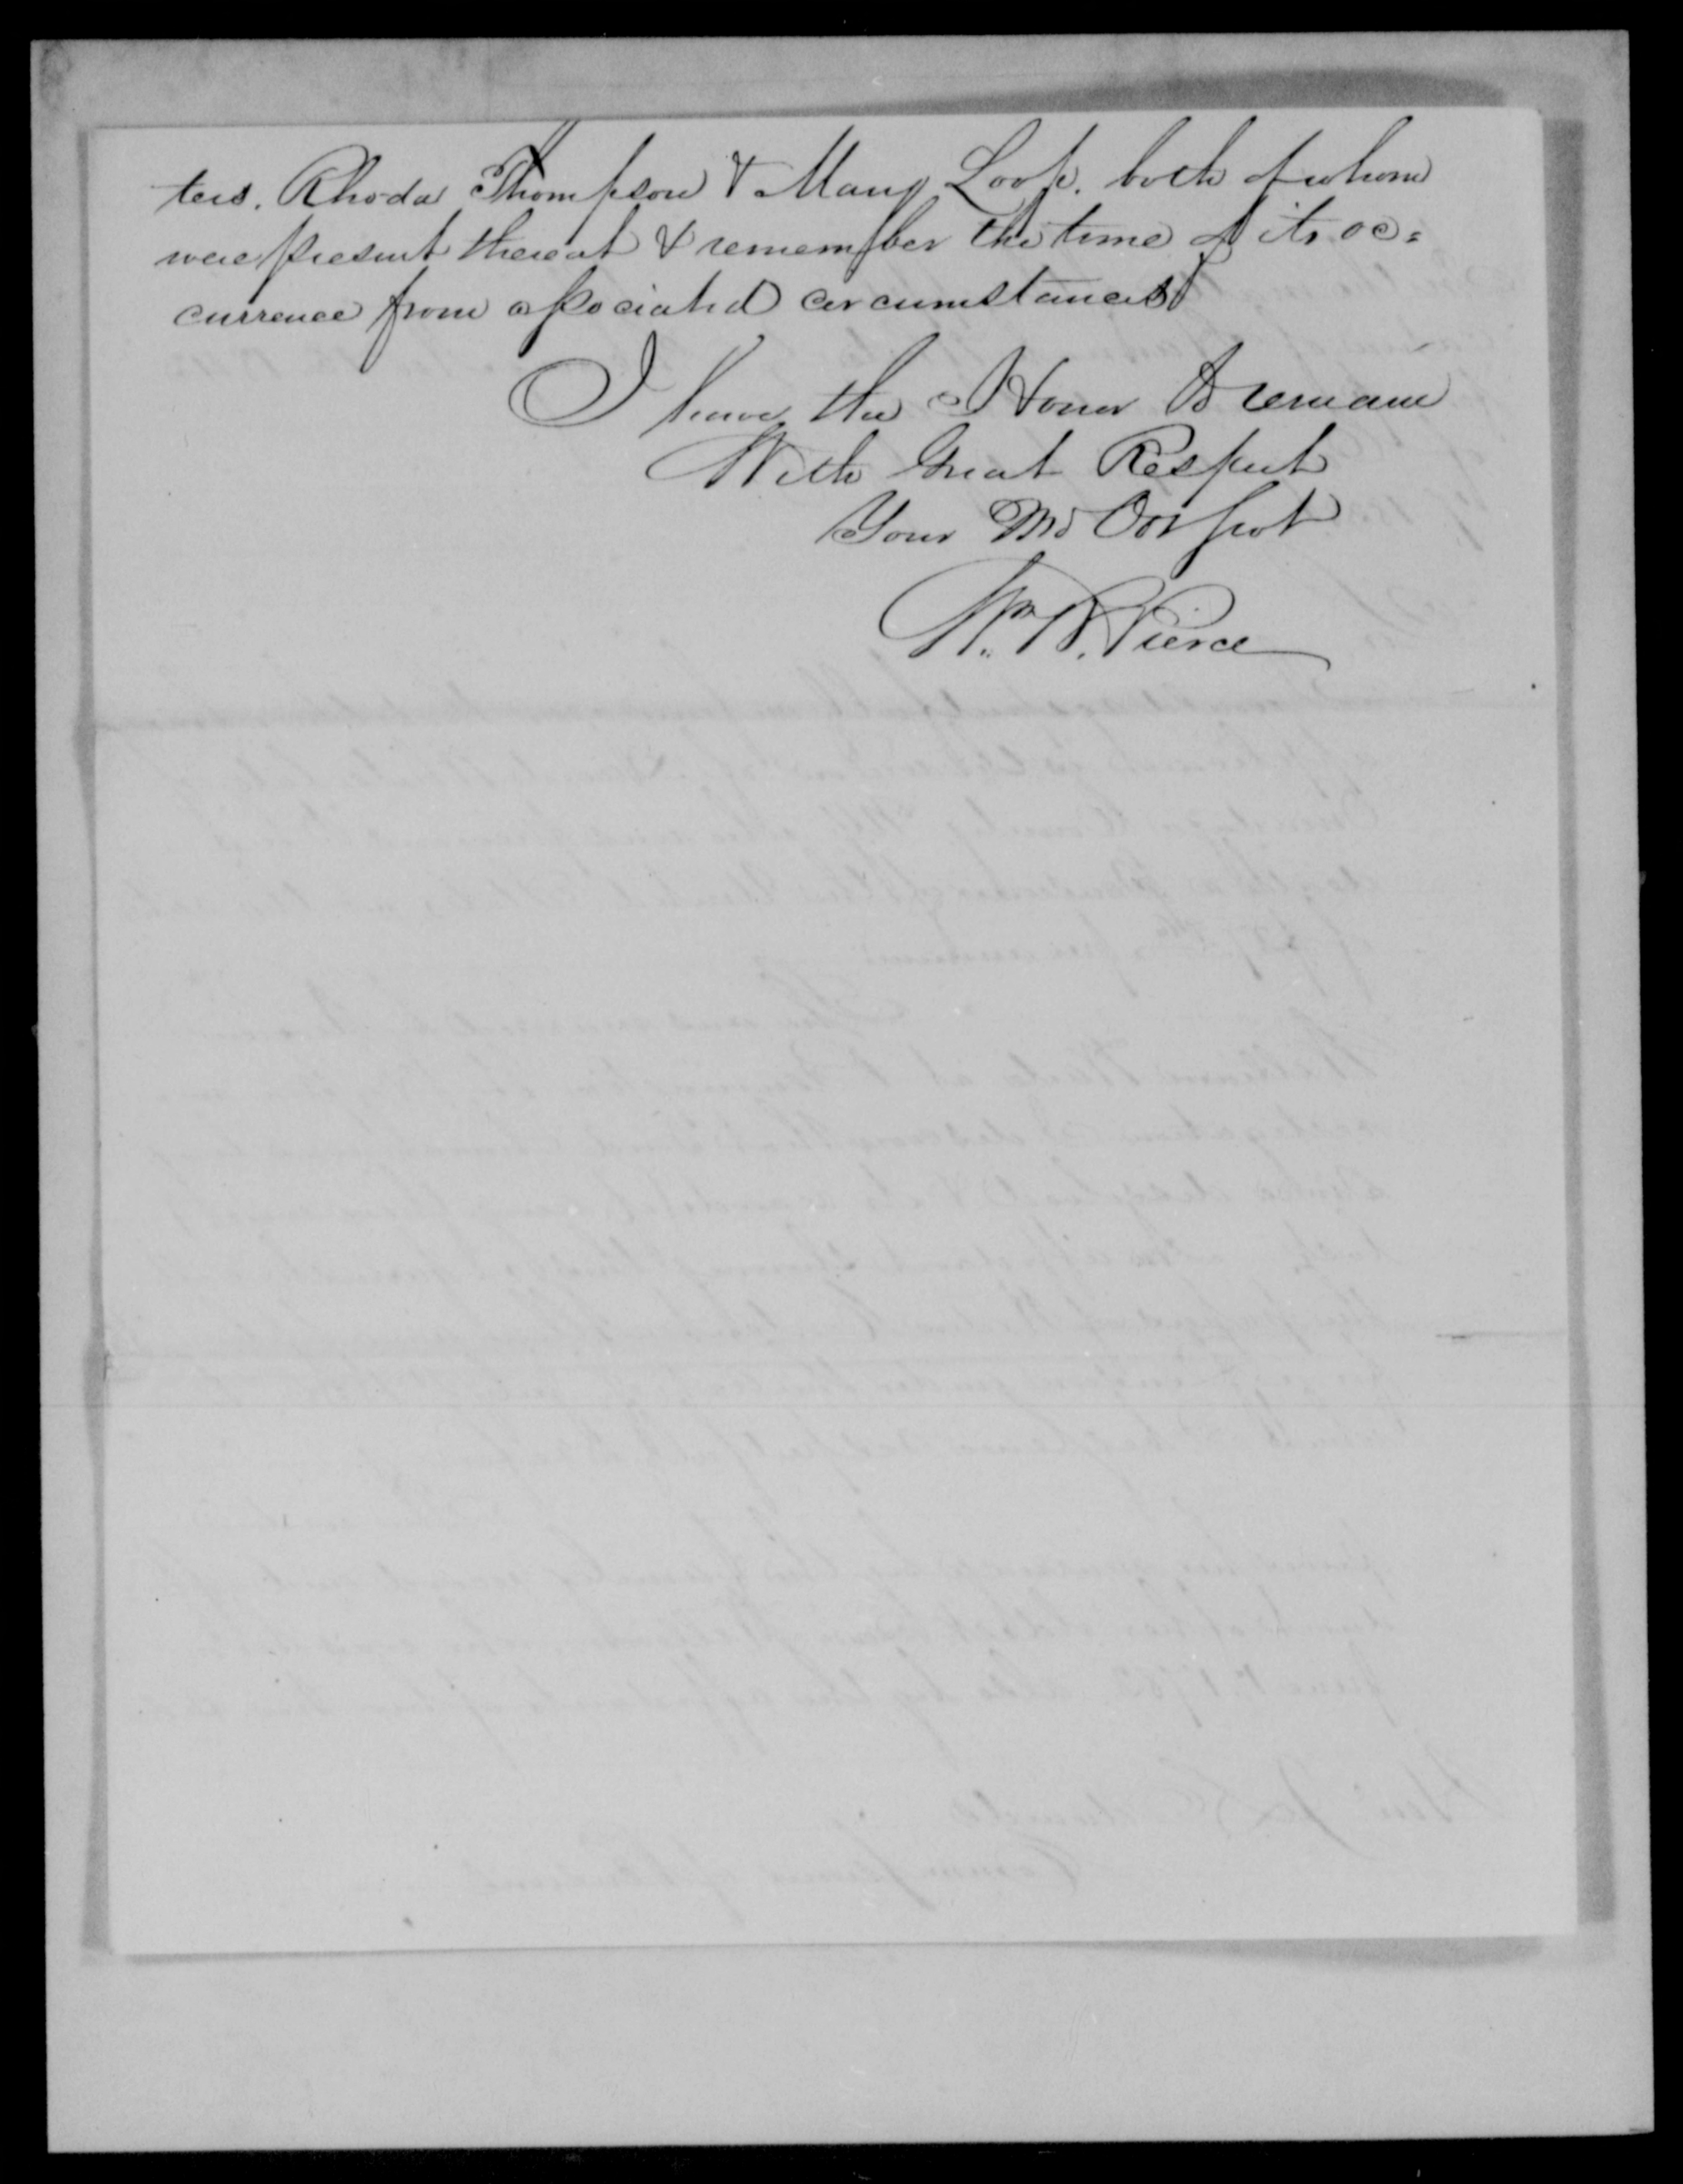ters. Rhoda Thompson & Mary Loop both of whom were present there at & remember the time of its occurrence from associated circumstances.

I have the Honor to remain With Great Respect Your M. Obt. Serv

Wm. B. Pierce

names: Wm B Pierce, Rhoda Thompson, Mary Loop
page: 48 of 63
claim: widow's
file: W. 18403, David White, Conn.